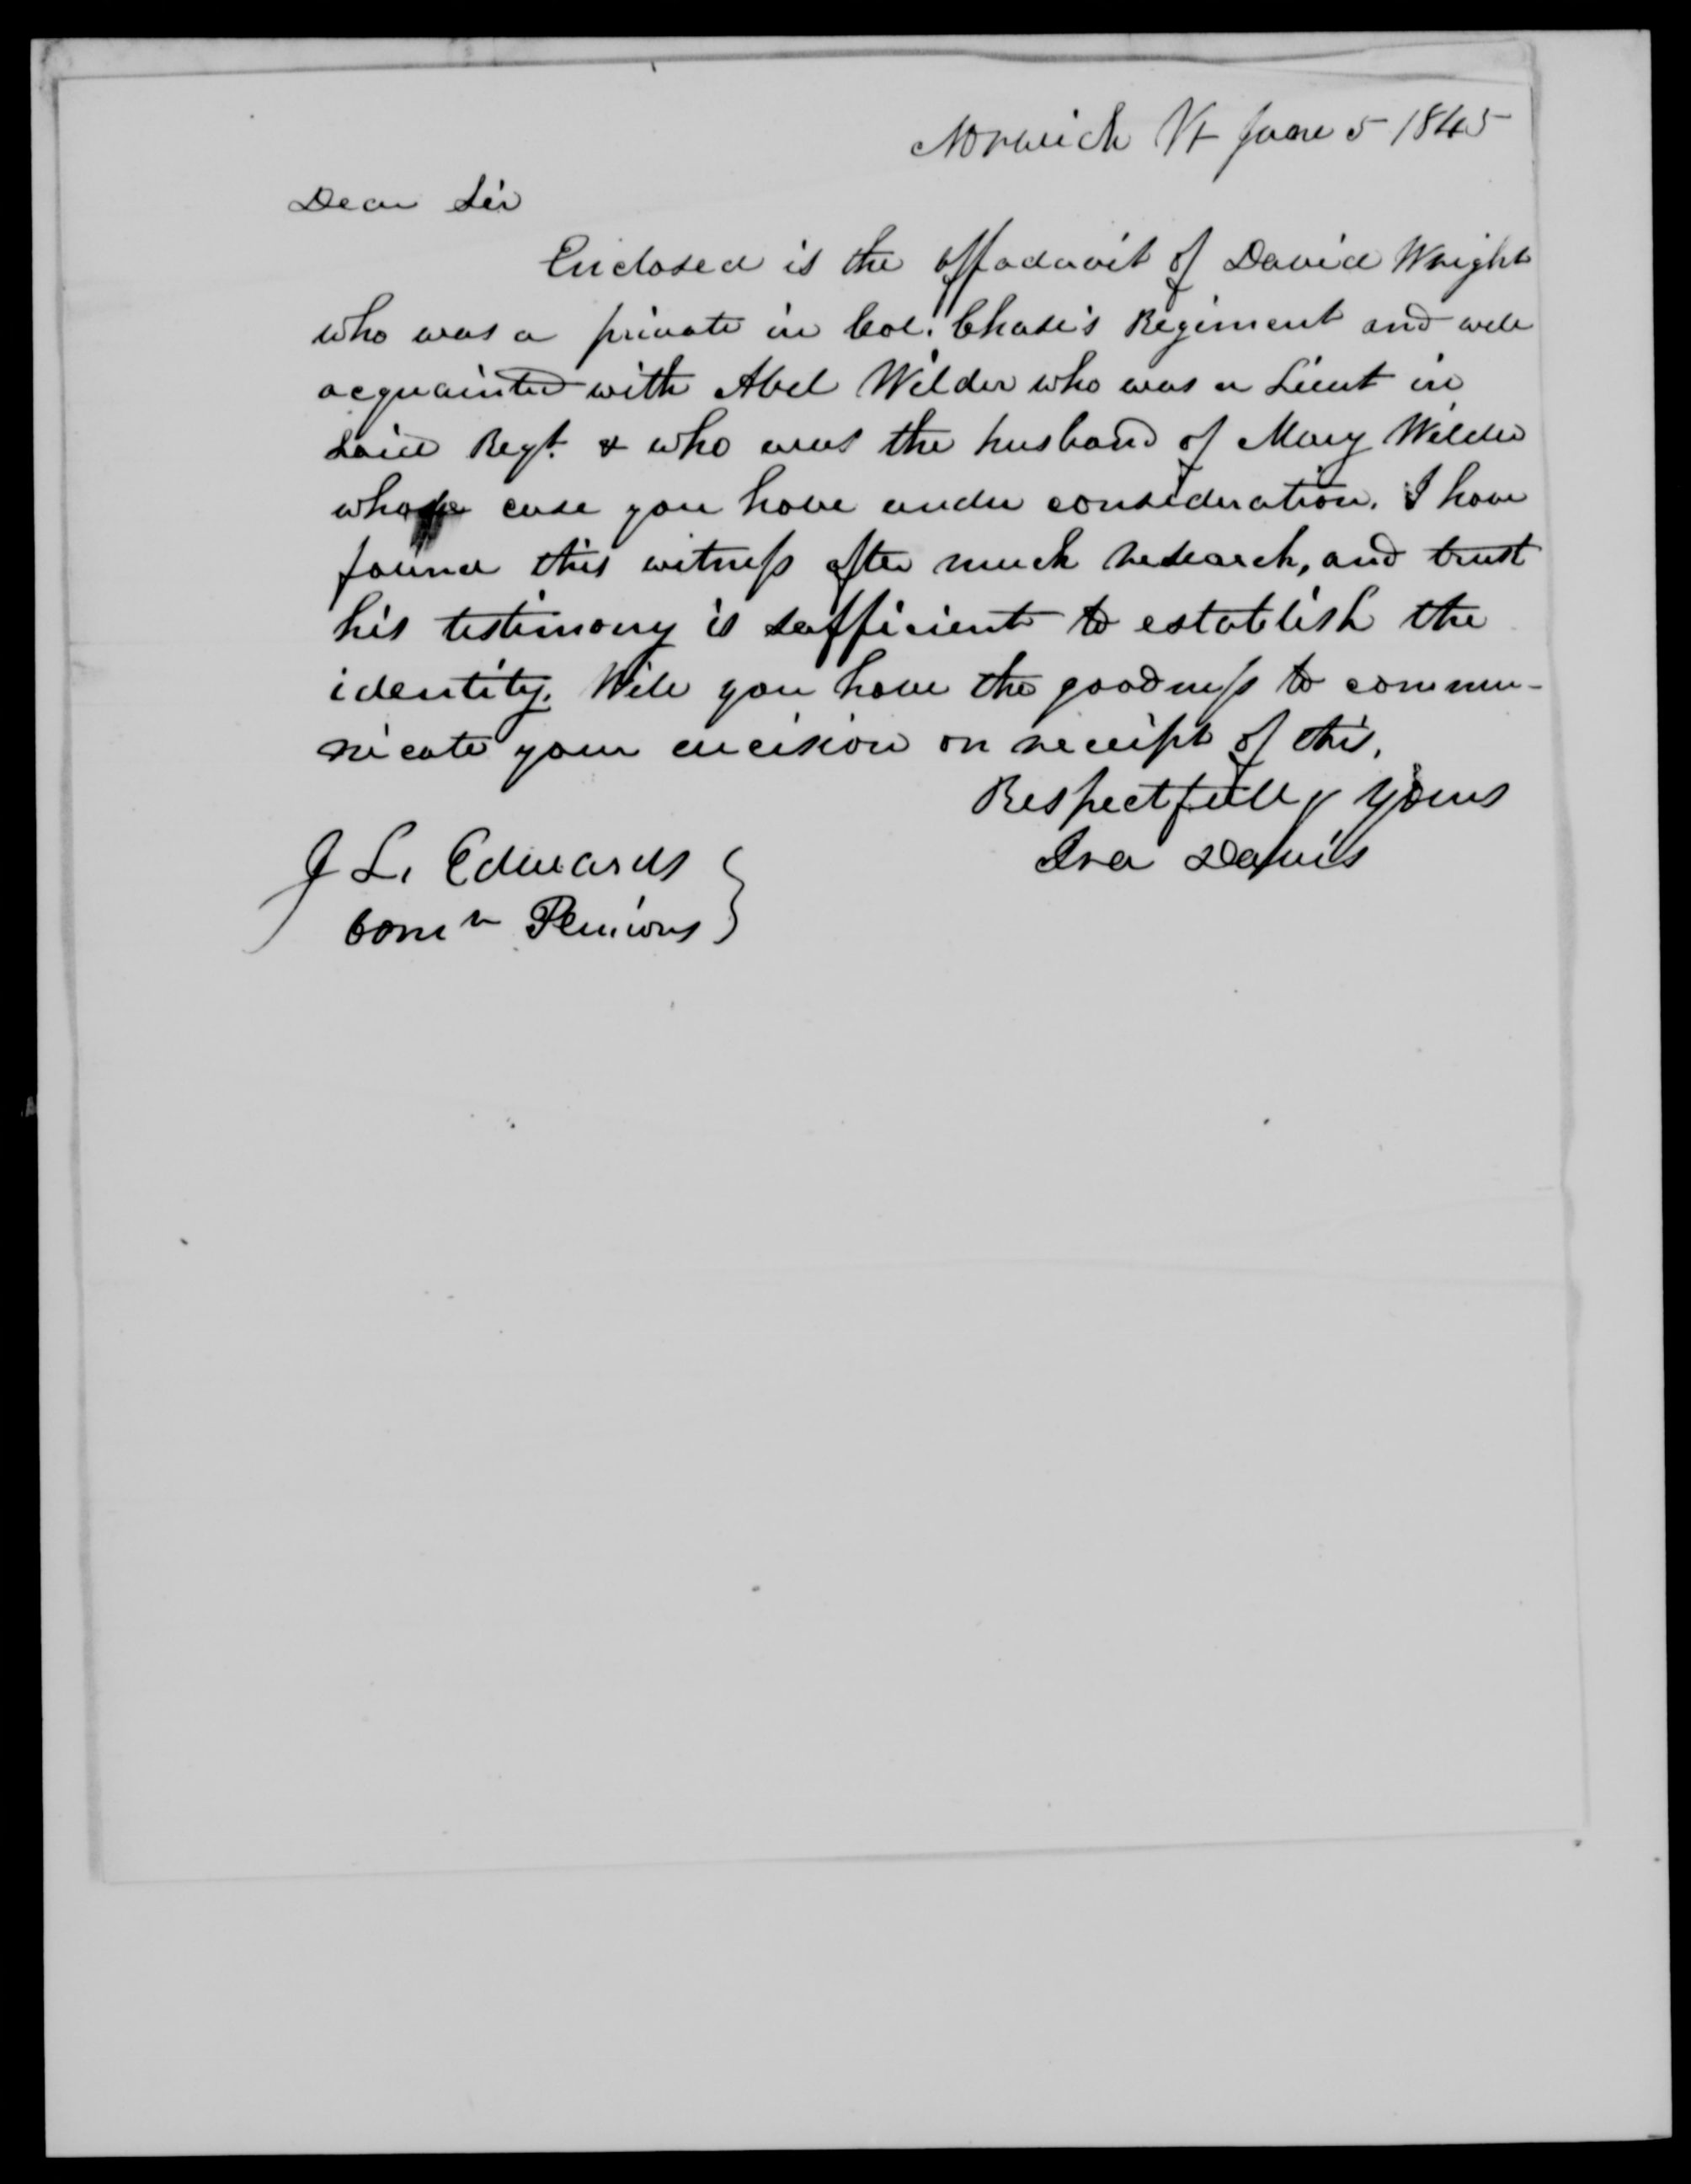Norwich Vt June 5 1845
Dear Sir
Enclosed is the affadavit of David Wright who was a private in Col. Chase's regiment and well acquainted with Abel Wilder who was a Lieut in said Regt & who was the husband of Mary Wilder whose case you have under consideration.  I have found this witness after much research, and trust his testimony is sufficient to establish the identity. Will you have the goodness to communicate your decision on receipt of this.
Respectfully yours Ira Davis   
J L. Edwards Com Pensions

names: Mary Wilder, David Wright, J L Edwards, Abel Wilder, Ira Davis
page: 15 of 40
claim: widow's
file: W. 18,426, Abel Wilder, Mass. N.H. Vt.